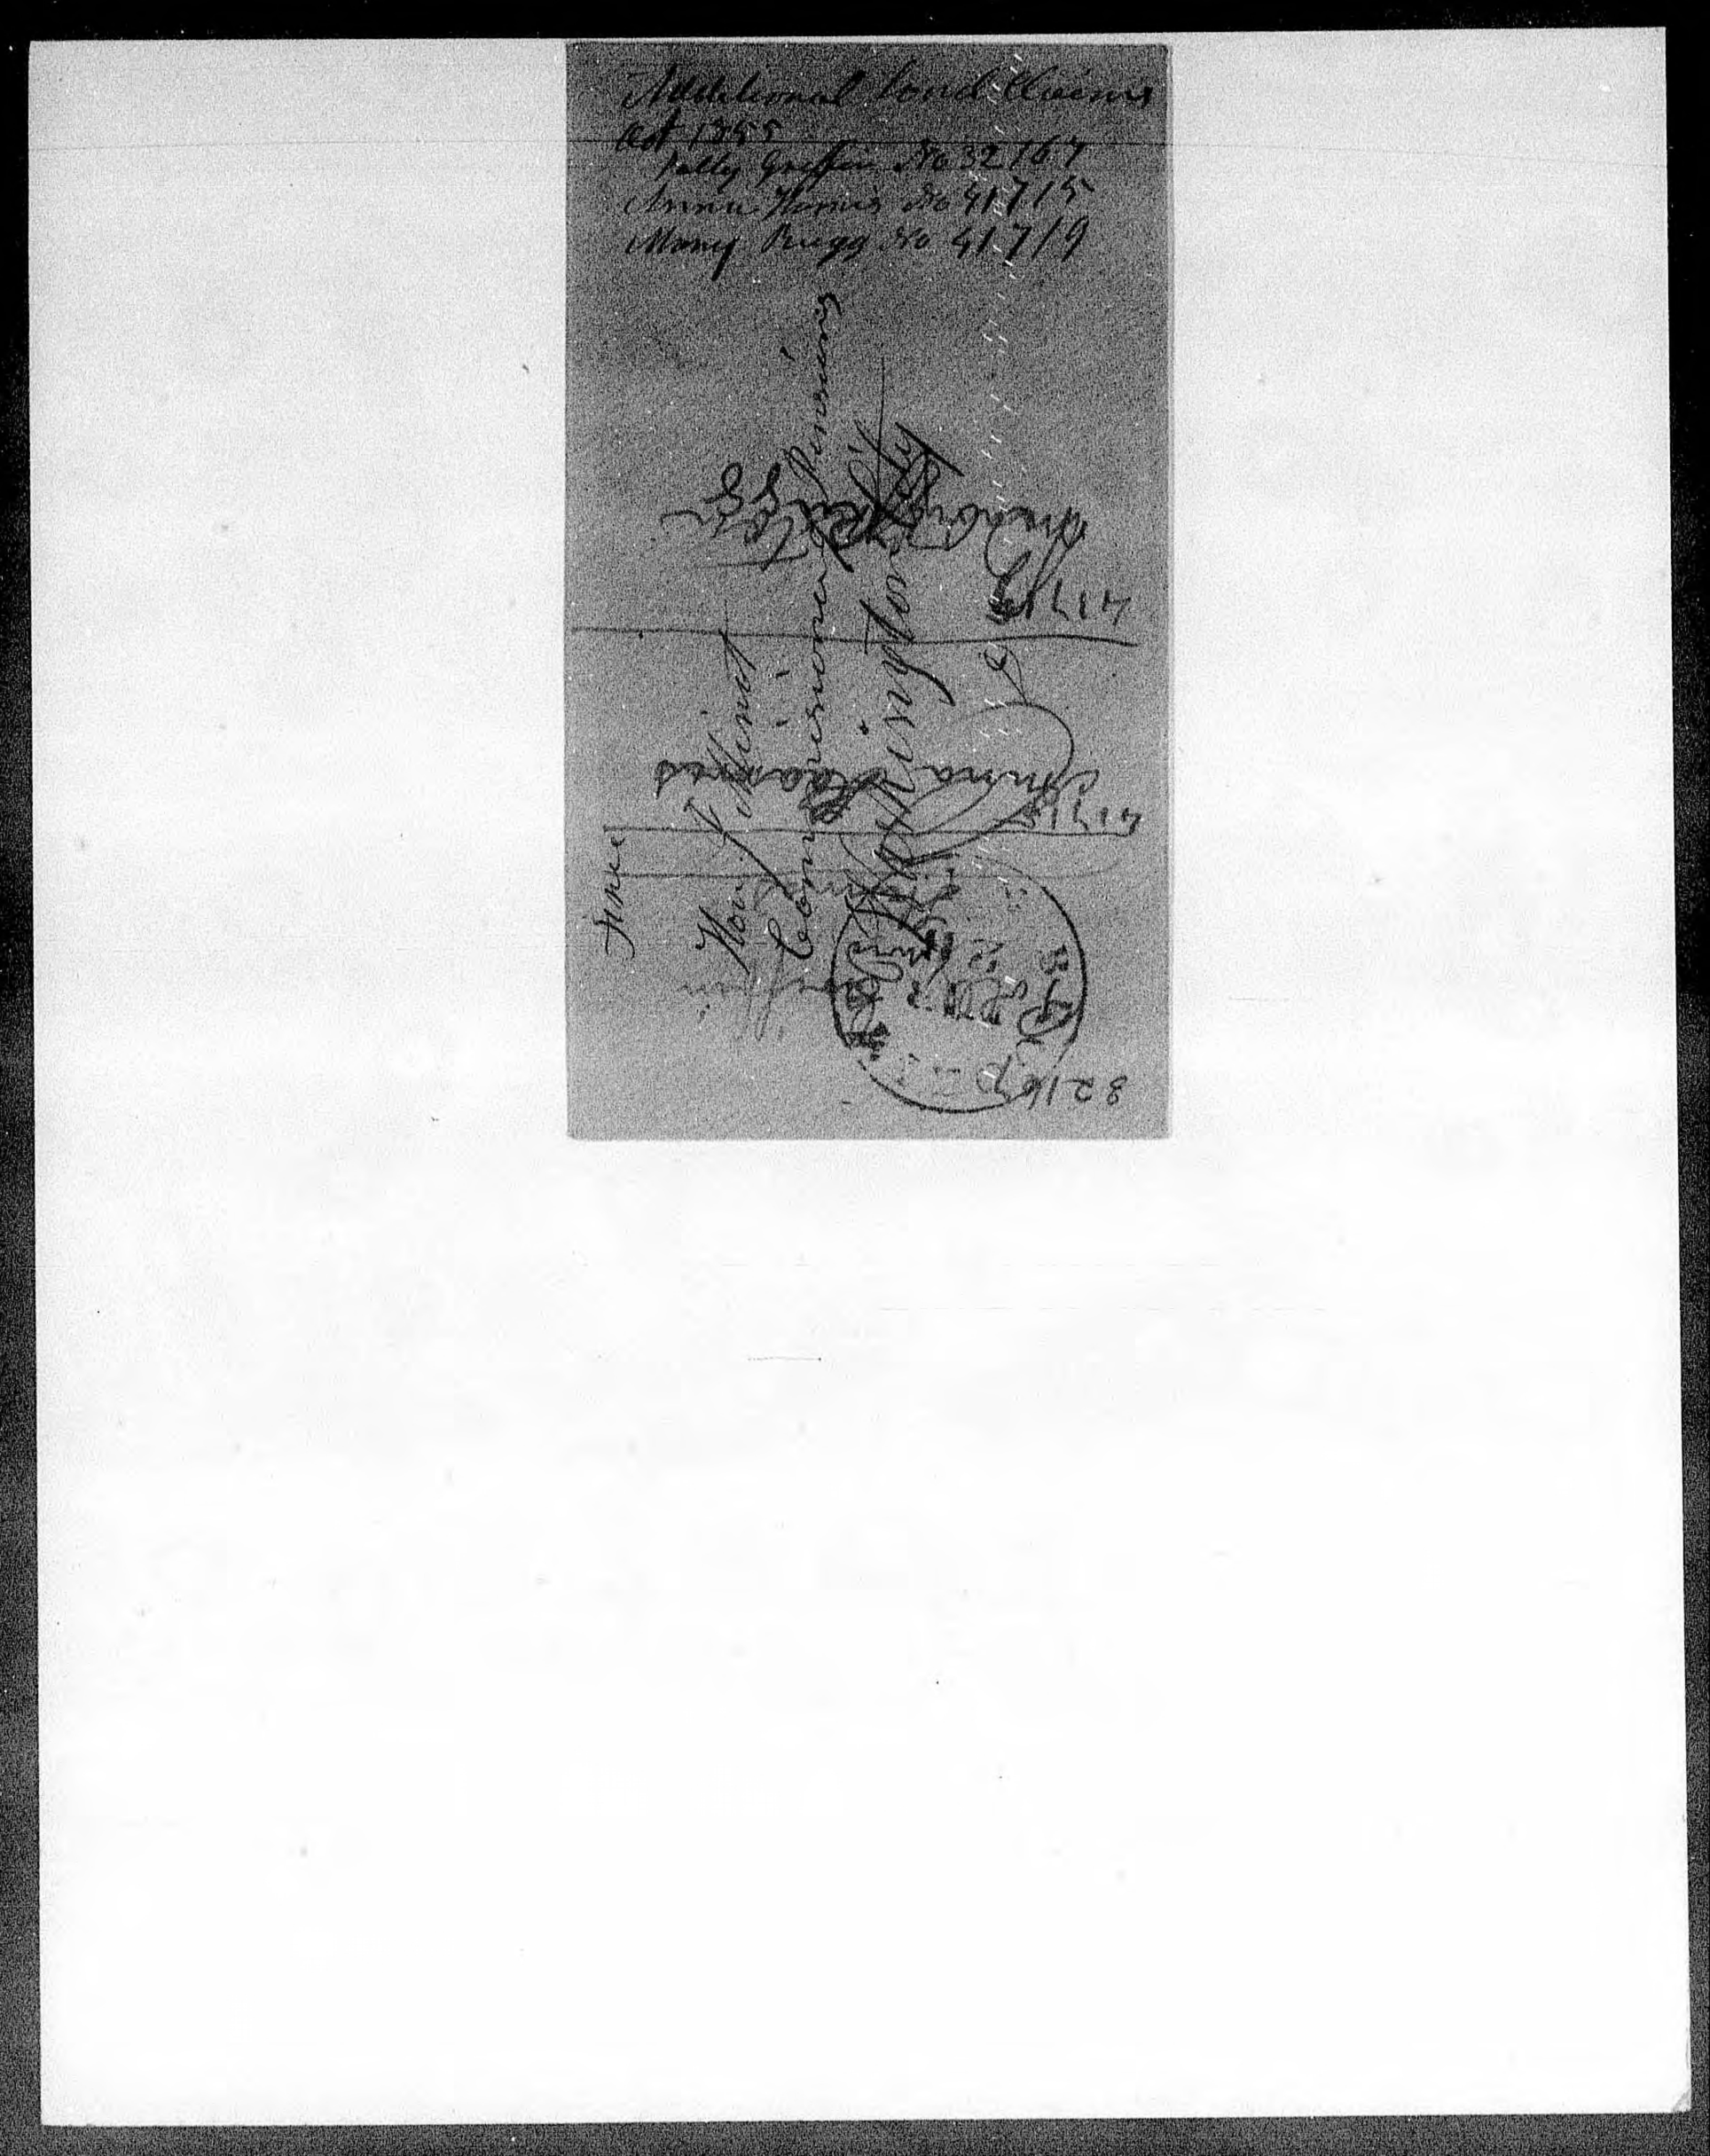Additional land claims
Act 1855
Polly Griffin No 32167
Anna Homes No 41715
Mary Brigg No 41719

Free
Hon. J. Minot
Commissioner of Pensions
Washington City

[upside down]
32167
Polly Griffin
[illegible]

41715
Anna Homes

43715
Mary Brigg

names: J Minot, Polly Griffin, Anna Homes, Mary Brigg, Anna Harris, Polly Griffin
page: 45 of 60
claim: widow's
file: W. 19,537, Thomas Griffin, Conn.